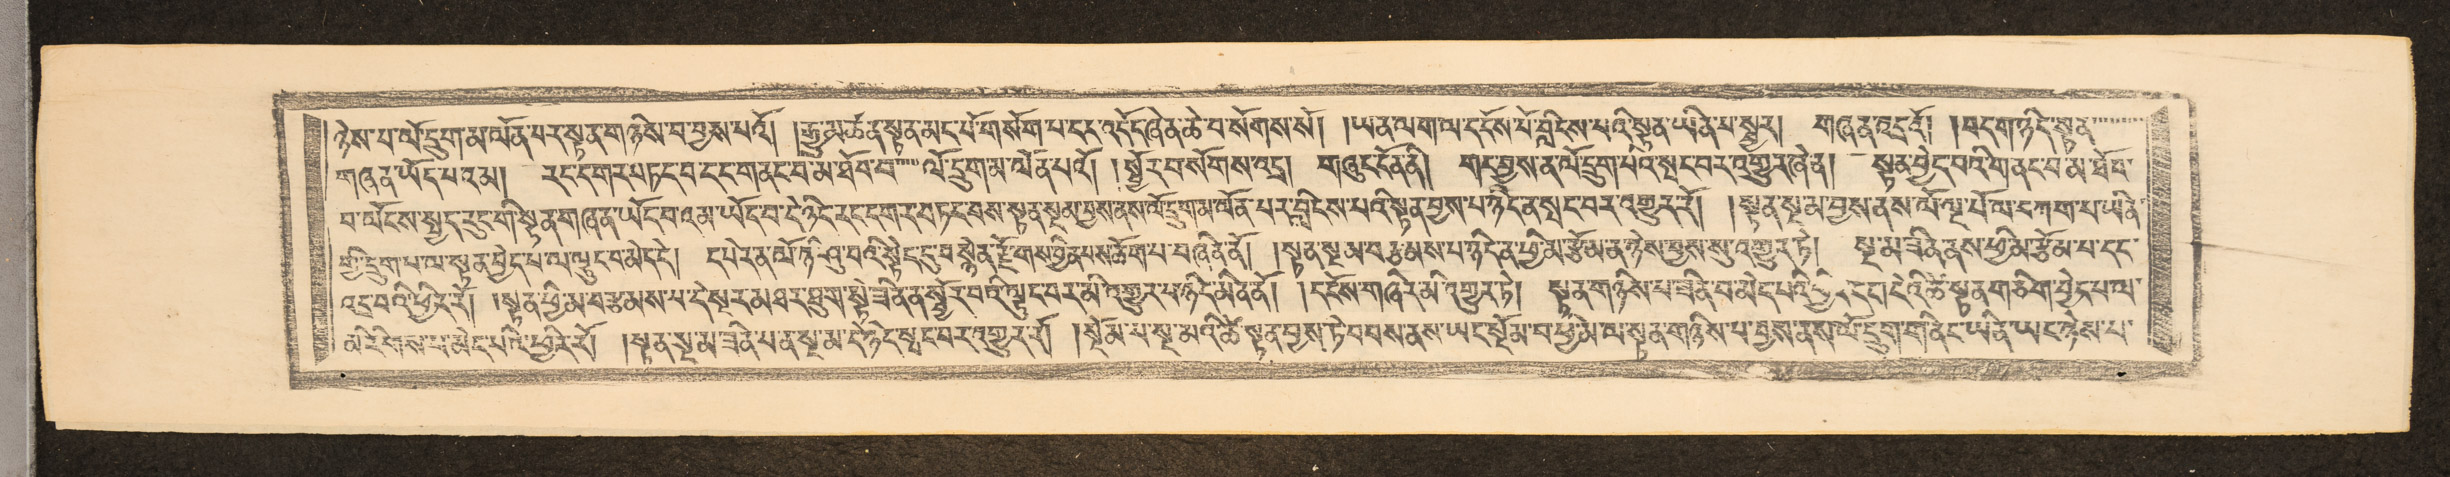ཉེས་པ་ལོ་དྲུག་མ་ལོན་པར་སྟན་གཉིས་པ་བྱས་པའོ། །རྒྱུ་མཚན་སྟན་མང་པོ་གསོག་པ་དང་འདོད་ཞེན་ཆེ་བ་སོགས་སོ། །ཡན་ལག་ལ་དངོས་པོ་བླིངས་པའི་སྟན་ཡིན་པ་སྦྱར། གཞན་འདྲའོ། །བདག་ཉིད་སྟན་
གཞན་ཡོད་པའམ། རང་དགར་བཏང་བ་དང་གནང་བ་མ་ཐོབ་པ་ལོ་དྲུག་མ་ལོན་པའོ། །སྦྱོར་བ་སོགས་འདྲ། གཞུང་དོན་ནི། གང་བྱས་ན་ལོ་དྲུག་པའི་སྤང་བར་འགྱུར་ཞེ་ན། སྟན་བྱེད་པའི་གནང་བ་མ་ཐོབ་
པ་ལོངས་སྤྱད་རུང་གི་སྟན་གཞན་ཡོད་པའམ་ཡོད་པ་དེ་ཉིད་རང་དགར་བཏང་བས་སྟན་སྔ་མ་བྱས་ནས་ལོ་དྲུག་མ་ལོན་པར་བླིངས་པའི་སྟན་བྱས་པ་ཉིད་ན་སྤང་བར་འགྱུར་རོ། །སྟན་སྔ་མ་བྱས་ནས་ལོ་ལྔ་པོ་ལ་བཀག་པ་ཡིན་
གྱི་དྲུག་པ་ལ་སྟན་བྱེད་པ་ལ་ལྟུང་བ་མེད་དེ། དཔེར་ན་ལོ་ཉི་ཤུ་པའི་སྟེང་དུ་བསྙེན་རྫོགས་བྱིན་པས་ཆོག་པ་བཞིན་ནོ། །སྟན་སྔ་མ་བརྩམས་པ་ཉིད་ན་ཕྱི་མ་རྩོམ་ན་ཉེས་བྱས་སུ་འགྱུར་ཏེ། སྔ་མ་ཟིན་ནས་ཕྱི་མ་རྩོམ་པ་དང་
འདྲ་བའི་ཕྱིར་རོ། །སྟན་ཕྱི་མ་བརྩམས་པ་དེ་སྔར་མཐར་ཐུག་སྟེ་ཟིན་ན་སྦྱོར་བའི་ལྟུང་བར་མི་འགྱུར་བ་ཉིད་མིན་ནོ། །དངོས་གཞིར་མི་འགྱུར་ཏེ། སྟན་གཉིས་པ་ཟིན་པ་མེད་པའི་ཕྱིར་དང་། དེའི་ཚེ་སྟན་གཅིག་བྱེད་པ་ལ་
མི་རིགས་པ་མེད་པའི་ཕྱིར་རོ། །སྟན་སྔ་མ་ཟིན་པ་ན་སྔ་མ་དེ་ཉིད་སྤང་བར་འགྱུར་རོ། །སྔོམ་པ་སྔ་མའི་ཚེ་སྟན་བྱས་ཏེ་བབས་ནས་ཡང་སྔོམ་པ་ཕྱི་མ་ལ་སྟན་གཉིས་པ་བྱས་ནས་ལོ་དྲུག་གི་ནང་ཡིན་ཡང་ཉེས་པ་